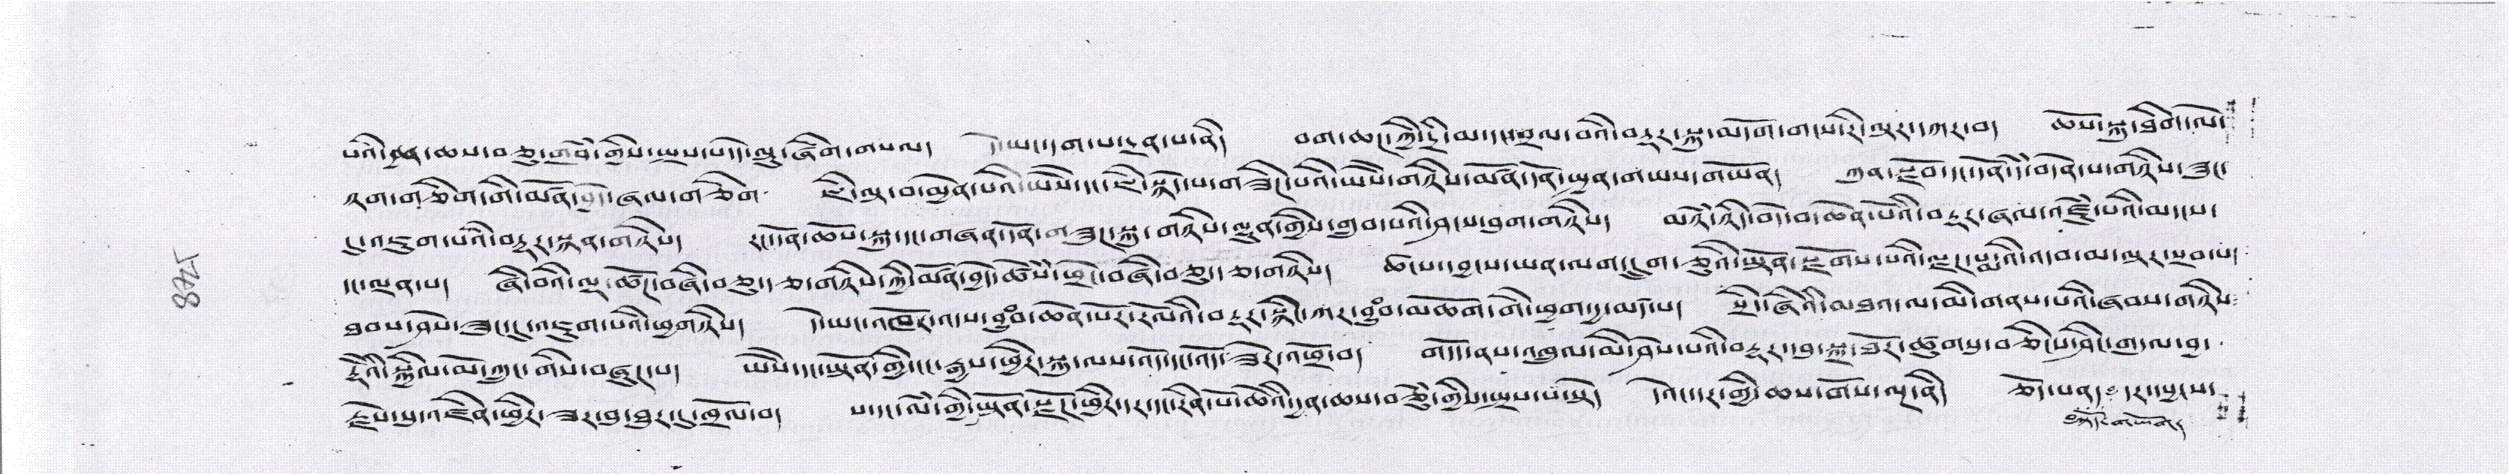པའི་རྒྱན་ཆས་བཅུ་གསུམ་གྱིས་སྤྲས་པ་དེ་ལྟ་བུ་ཞིག་གསལ། དེ་ཡང་དག་པ་དྲན་པ་ནི། བག་ཆགས་ཀྱི་དྲི་མ་དང་བྲལ་བའི་བརྡར་སྐུ་མདོག་གངས་རི་ལྟར་དཀར་བ། ཆོས་སྐུ་ཐིག་ལེ་
ཉག་གཅིག་གི་མཚོན་བྱེད་ཞལ་གཅིག ཇི་ལྟ་བ་མཁྱེན་པའི་ཡེ་ཤེས་དང་ཇི་ལྟ་བ་གཟིགས་པའི་ཡེ་ཤེས་གཉིས་མཚོན་དོན་སྤྱན་གཡས་གཡོན། ཀུན་རྫོབ་དང་དོན་དམ་བདེན་པ་ཟུང་
འཇུག་པའི་བརྡར་སྙན་གཉིས། རང་དོན་ཆོས་སྐུ་དང་གཞན་དོན་གཟུགས་སྐུ་གཉིས་ལྷུན་གྱིས་འགྲུབ་པའི་ཤངས་བུག་གཉིས། མཉམ་ཉིད་བདེ་བ་ཆེན་པོའི་བརྡར་ཞལ་འཛུམ་པའི་མདངས་
དང་ལྡན་པ། ཞི་བའི་ལྷ་ཚོགས་བཞི་བཅུ་རྩ་གཉིས་ཀྱི་མཚོན་བྱེད་ཚེམ་ཕྲེང་བཞི་བཅུ་རྩ་གཉིས། ཚངས་དབྱངས་ཡན་ལག་དྲུག་ཅུའི་ཡོན་ཏན་རྫོགས་པའི་ལྗགས་པདྨའི་འདབ་ལྟར་སྲབ་པ། 
ཐབས་ཤེས་ཟུང་དུ་འཇུག་པའི་ཕྱག་གཉིས། དེ་ཡང་འཁོར་འདས་བྱང་ཆུབ་ཆེན་པོར་རོལ་པའི་བརྡར་སྙིང་གར་བྱང་ཆུབ་མཆོག་གི་ཕྱག་རྒྱ་མཛད་པ། སྲིད་ཞིའི་མཐའ་ལ་མི་གནས་པའི་ཞབས་གཉིས་
རྡོ་རྗེའི་སྐྱིལ་མོ་ཀྲུང་གིས་བཞུགས་པ། ཡེ་ཤེས་དང་ཡོན་ཏན་གྱི་ངང་རྒྱས་ཕྱིར་སྐུ་ལས་འོད་དང་འོད་ཟེར་འཕྲོ་བ། གདོད་ནས་འཁྲུལ་མི་ཤེས་པའི་བརྡར་དབུ་སྐྲ་ཐོར་ཚུགས་སུ་བཅིངས་ཤིང་གདུལ་བྱ་
རྗེས་སུ་འཛིན་ཕྱིར་ཟར་བུ་ཐུར་དུ་ཁྲོལ་བ། ས་དང་ལམ་གྱི་ཡོན་ཏན་རྫོགས་ཕྱིར་དར་དང་རིན་པོ་ཆེའི་རྒྱན་ཆས་བཅུ་གསུམ་གྱིས་སྤྲས་པ་སྟེ། དེའང་དར་གྱི་ཆས་གོས་ལྔ་ནི། ཅོད་པཎ། སྟོད་གཡོགས། དར་དཔྱངས།